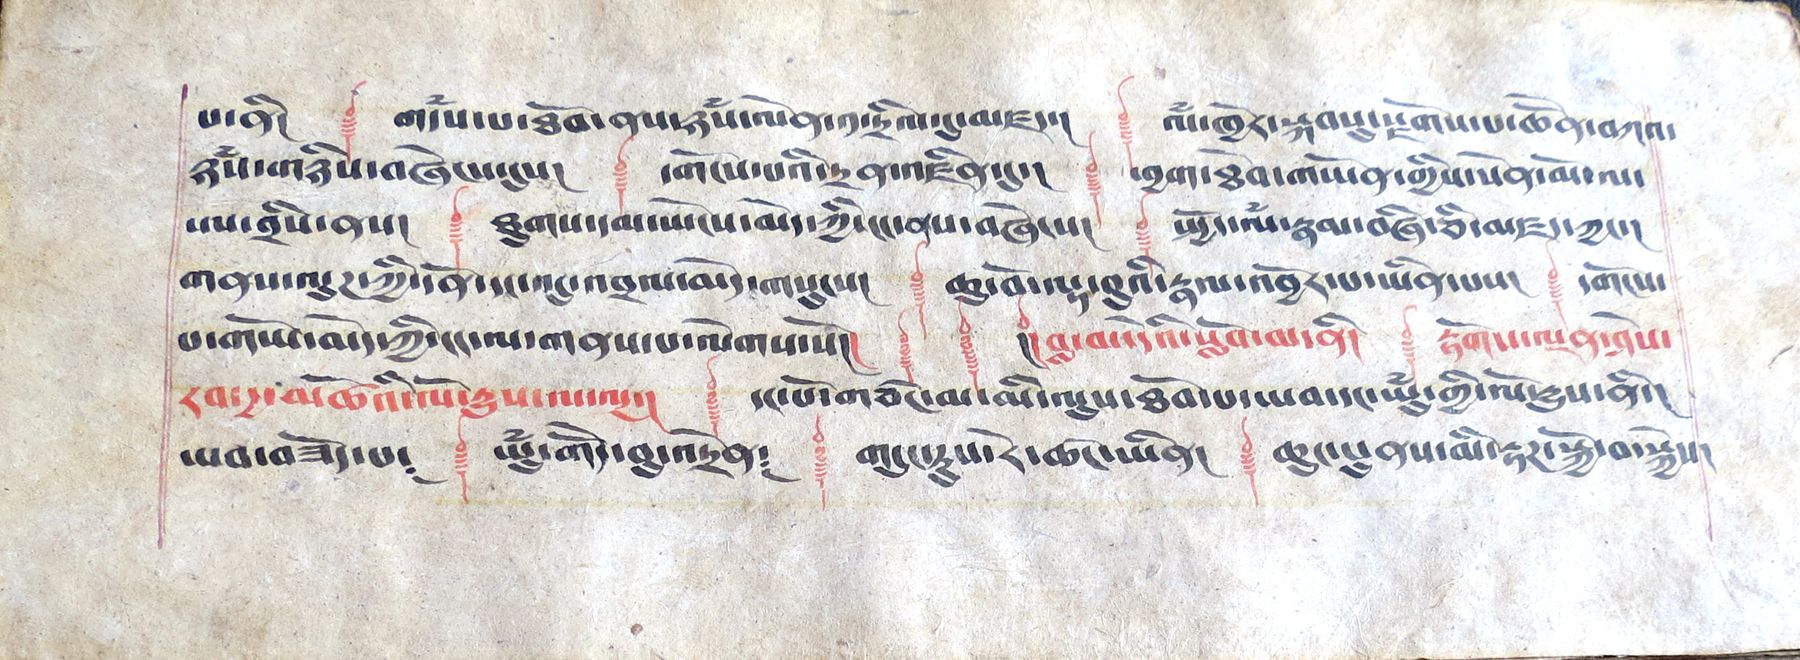ནི། གདམས་པ་ཐོབ་ནས་ཉམས་ལེན་གཅིག་དྲིལ་དུ་མཛད། ལམ་ཁྱེར་གྱི་སྐབས་སུ་རྫོགས་པ་ཆེན་པོ་བཀའ་
ཉམས་གཉིས་བཞེངས་དུས། དགོངས་པའི་དྲན་འཛིན་དུ། ཕྱག་མཐེབ་གཡོན་གྱི་སེན་མོ་ལ་
ཨ་བྲིས་ནས། ཐུགས་དམ་ཡེངས་མེད་ཀྱི་ངང་ནས་བཞུགས། སྤྱོད་ལམ་རྣམ་བཞི་ཅི་མཛད་ཀྱང་། 
གནས་ལུགས་ཀྱི་དོན་དང་འདུ་འབྲལ་མེད་གསུངས། ཆུ་བོ་ལྟ་བུའི་རྣལ་འབྱོར་པ་ཡིན་པས། དགོངས་
པ་གཡོ་མེད་ཀྱི་ངང་ལ་གནས་པ་ལགས་སོ། ། བླ་མ་དེའི་སློབ་མ་ནི། རྟོགས་ལྡན་ཤེས་
རབ་རྒྱ་མཚོའི་ལོ་རྒྱུས་ལ་ལྔ། དང་པོ་གཙང་མ་མི་ལུས་ཐོབ་པ་ཡབ་དང་ཡུམ་གྱི་ལོ་རྒྱུས་ནི། 
ཡབ་བཟོད་པ། ཡུམ་གེ་ཁོད་བུ་འདྲེན། གདུང་རུས་རེ་ཚང་ཡིན། ཆུང་ངུ་ནས་མི་རྟག་སྐྱོ་བ་སྐྱེས།